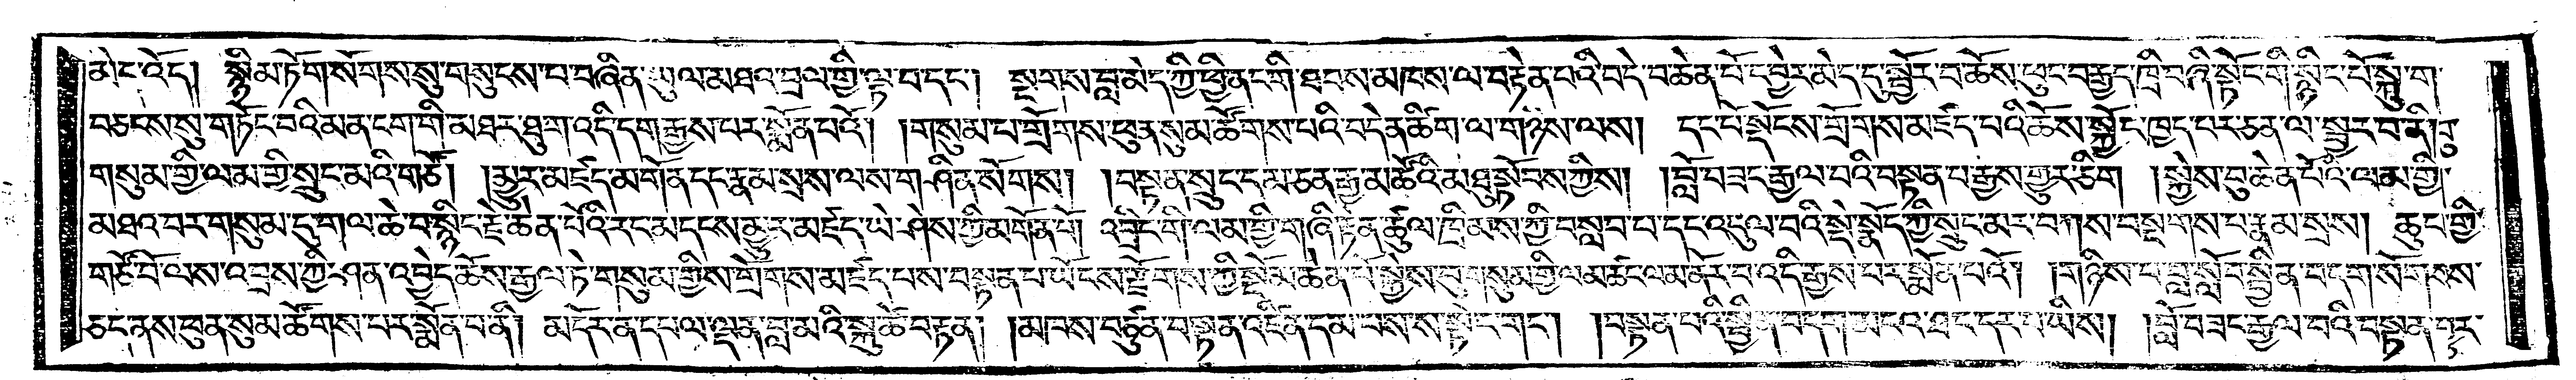མེད་འོད། སྙིམ་ཏོག་སོགས་སུ་གསུངས་པ་བཞིན་ཡུལ་མཐའ་བྲལ་གྱི་ལྟ་བ་དང་། སྔགས་བླ་མེད་ཀྱི་ཕྱི་ནང་གི་ཐབས་མཁས་ལ་བརྟེན་པའི་བདེ་བ་ཆེན་པོ་དབྱེར་མེད་དུ་སྦྱོར་བ་ཆོས་ཕུང་བརྒྱད་ཁྲི་བཞི་སྟོང་གི་སྙིང་པོ་སྐུ་གསུམ་ལག་
བཅངས་སུ་གཏོང་བའི་མན་ངག་གི་མཐར་ཐུག་འདི་དག་རྒྱས་པར་སྨོན་པའོ། །གསུམ་པ་གྲོགས་ཕུན་སུམ་ཚོགས་པའི་བདེན་ཚིག་ལ་གཉིས་ལས། དང་པོ་སྡོངས་གྲོགས་མཛད་པའི་ཆོས་སྐྱོང་ཁཡད་པར་ཅན་ལ་སྦྱར་བ་ནི། སྐྱེས་བུ་
གསུམ་གྱི་ལམ་གྱི་སྲུང་མའི་གཙོ། །མྱུར་མཛད་མགོན་དང་རྣམ་སྲས་ལས་གཤིན་སོགས། །བསྟན་སྲུང་དམ་ཅན་རྒྱ་མཚོའི་མཐུ་སྟོབས་ཀྱིས། །བློ་བཟང་རྒྱལ་བའི་བསྟན་པ་རྒྱས་གྱུར་ཅིག། །སྐྱེས་བུ་ཆེན་པོའི་ལམ་གྱི་སྲོག་ཐོག་
མཐའ་བར་གསུམ་དུ་གལ་ཆེ་བ་སྙིང་རྗེ་ཆེན་པོའི་རང་མདངས་མྱུར་མཛད་ཡེ་ཤེས་ཀྱི་མགོན་པོ། འབྲིང་གི་ལམ་གྱི་གཞི་རྟེན་ཚུལ་ཁྲིམས་ཀྱི་བསླབ་པ་དང་འདུལ་བའི་སྡེ་སྣོད་ཀྱི་སྲུང་མར་བཀས་བསྔས་པ་རྣམ་སྲས། ཆུང་ངུའི་ལམ་གྱི་
གཙོ་བོ་ལས་འབྲས་ཀྱི་ཤན་འབྱེད་ཆོས་རྒྱལ་ཏེ་གསུམ་གྱིས་གྲོགས་མཛད་པས་བསྟན་པ་ཡོངས་རྫོགས་ཀྱི་སྡོམ་ཆེན་པོ་སྐྱེས་བུ་གསུམ་གྱི་ལམ་ཚང་མ་ནོར་བ་འདི་རྒྱས་པར་སྨོན་པའོ། །གཉིས་པ་བླ་སློབ་སྦྱིན་བདག་སོགས་སྒོ་ཐམས་
ཅད་ནས་ཕུན་སུམ་ཚོགས་པར་སྨོན་པ་ནི། མདོར་ན་དཔལ་ལྡན་བླ་མའི་སྐུ་ཚེ་བརྟན། །མཁས་བཙུན་བསྟན་འཛིན་དམ་པས་ས་སྟེང་གང་། །བསྟན་པའི་སྦྱིན་བདག་མངའ་ཐང་དར་བ་ཡིས། །བློ་བཟང་རྒྱལ་བའི་བསྟན་པ་རྒྱས་གྱུར་